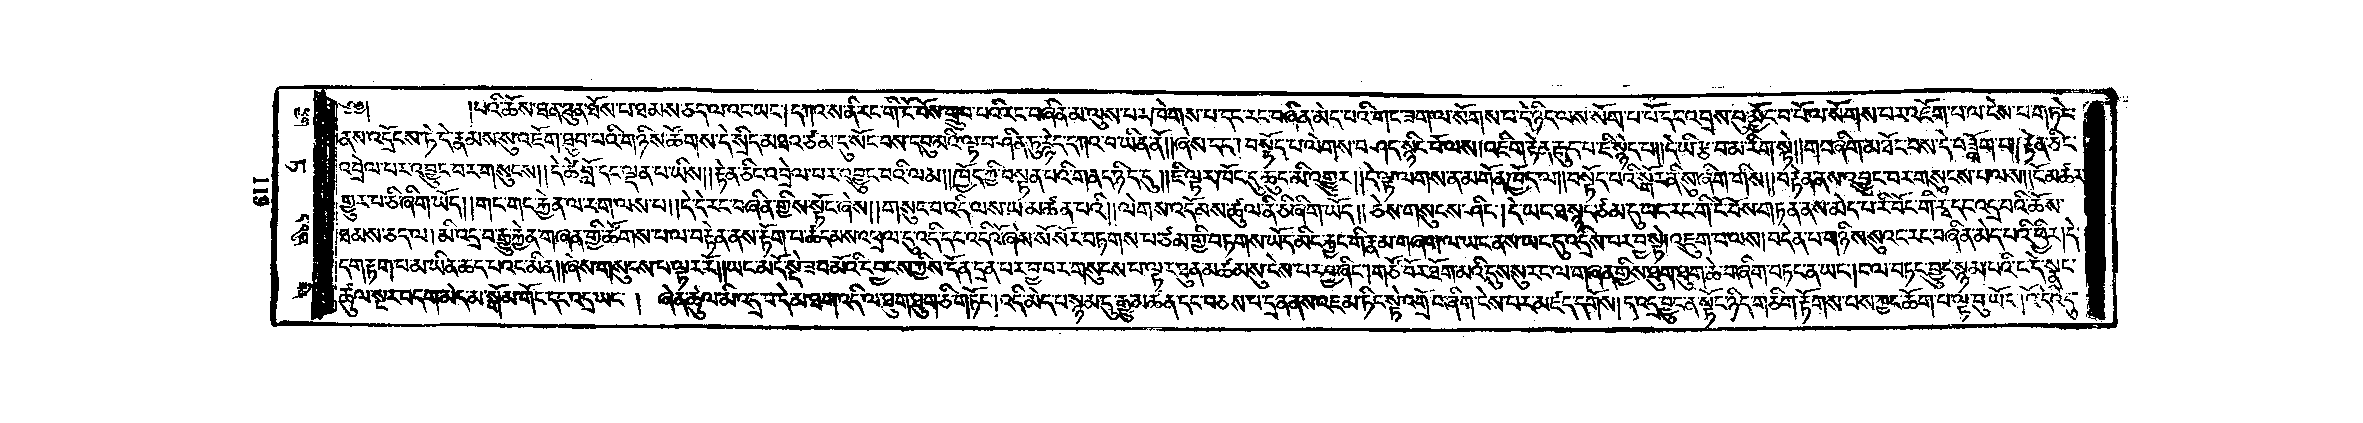༄༅། །པའི་ཆོས་ཐན་ཐུན་ཐོས་པ་ཐམས་ཅད་ལའང་ཡང་། དཀའ་ས་ནི་རང་གི་ངོ་བོས་གྲུབ་པའི་རང་བཞིན་མ་ལུས་པར་ཁེགས་པ་དང་རང་བཞིན་མེད་པའི་གང་ཟག་ལ་སོགས་པ་དེ་ཉིད་ལས་སོག་པ་པོ་དང་འབྲས་བུ་མྱོང་བ་པོ་ལ་སོགས་པར་འཇོག་པ་ལ་ངེས་པ་གཏེང་
ནས་འདྲོངས་ཏེ་དེ་རྣམས་སུ་འཇོག་ཐུབ་པའི་གཉིས་ཚོགས་དེ་སྲིད་མཐའ་ཙམ་དུ་སོང་བས་དབུ་མའི་ལྟ་བ་ཤིན་ཏུ་རྙེད་དཀའ་བ་ཡིན་ནོ། །ཞེས་དང་། བསྟོད་པ་ལེགས་བཤད་སྙིང་པོ་ལས། འཇིག་རྟེན་རྒུད་པ་ཇི་སྙེད་པ། །དེ་ཡི་རྩ་བ་མ་རིག་སྟེ། །གང་ཞིག་མཐོང་བས་དེ་བཟློག་པ། །རྟེན་ཅིང་
འབྲེལ་པར་འབྱུང་བར་གསུངས། །དེ་ཚེ་བློ་དང་ལྡན་པ་ཡིས། །རྟེན་ཅིང་འབྲེལ་པར་འབྱུང་བའི་ལམ། །ཁྱོད་ཀྱི་བསྟན་པའི་གནད་ཉིད་དུ། །ཇི་ལྟར་ཁོང་དུ་ཆུད་མི་འགྱུར། །དེ་ལྟ་ལགས་ན་མགོན་ཁྱོད་ལ། །བསྟོད་པའི་སྒོར་ནི་སུ་ཞིག་གིས། །བརྟེན་ནས་འབྱུང་བར་གསུངས་པ་ལས། །ངོ་མཚར་
གྱུར་པ་ཅི་ཞིག་ཡོད། །གང་གང་རྐྱེན་ལ་རག་ལས་པ། །དེ་དེ་རང་བཞིན་གྱིས་སྟོང་ཞེས། །གསུང་བ་འདི་ལས་ཡ་མཚན་པའི། །ལེགས་འདོམས་ཚུལ་ནི་ཅི་ཞིག་ཡོད། །ཅེས་གསུངས་ཤིང་། དེ་ཡང་ཐ་སྙད་ཙམ་དུ་ཡང་རང་གི་ངོ་བོས་གཏན་ནས་མེད་པ་རི་བོང་གི་རྭ་དང་འདྲ་བའི་ཆོས་
ཐམས་ཅད་ལ། མི་འདྲ་བ་རྒྱུ་རྐྱེན་གཞན་གྱི་ཚོགས་པ་ལ་བརྟེན་ནས་རྟོག་པ་ཚད་མས་འཕྲལ་དུ་འདི་དང་འདིའོ་ཞེས་སོ་སོར་བཏགས་པ་ཙམ་གྱི་བཏགས་ཡོད་མིང་རྐྱང་གི་རྣམ་གཞག་ལ་ཡང་ནས་ཡང་དུ་འདྲིས་པར་བྱ་སྟེ། འཇུག་པ་ལས། བདེན་པ་གཉིས་སུའང་རང་བཞིན་མེད་པའི་ཕྱིར། དེ་
དག་རྟག་པ་མ་ཡིན་ཆད་པའང་མིན། །ཞེས་གསུངས་པ་ལྟར་རོ། །ཡང་མདོ་སྡེ་ཟབ་མོའི་དབྱངས་ཀྱིས་དོན་དྲན་པར་བྱ་བར་གསུངས་པ་ལྟར་ཐུན་མཚམས་སུ་ངེས་པར་བྱ་ཞིང་། གཙོ་བོར་ཐོག་མའི་དུས་སུ་རང་ལ་གཞན་གྱིས་ཐུག་ཐུག་ཆེ་བ་ཞིག་བཏང་ན་ཡང་། ང་ལ་བཏང་བྱུང་སྙམ་པའི་ང་དེ་སྣང་
ཚུལ་སྔར་བདག་མེད་མ་སྒོམ་གོང་དང་འདྲ་ཡང་། ཞེན་ཚུལ་མི་འདྲ་བ་དེ་མ་ཐག་འདི་ལ་ཐུག་ཐུག་ཅི་གཏོང་། འདི་མེད་པ་སྙམ་དུ་རྒྱུ་མཚན་དང་བཅས་པ་དྲན་ནས་འཇམ་ཏིང་སྟེ་འགྲོ་བ་ཞིག་ངེས་པར་མཛད་དགོས། ད་འདྲ་བྱུང་ན་སྟོང་ཉིད་གཅིག་རྟོགས་པས་ཀྱང་ཆོག་པ་ལྟ་བུ་ཡོད། འོ་དེའི་དུ་